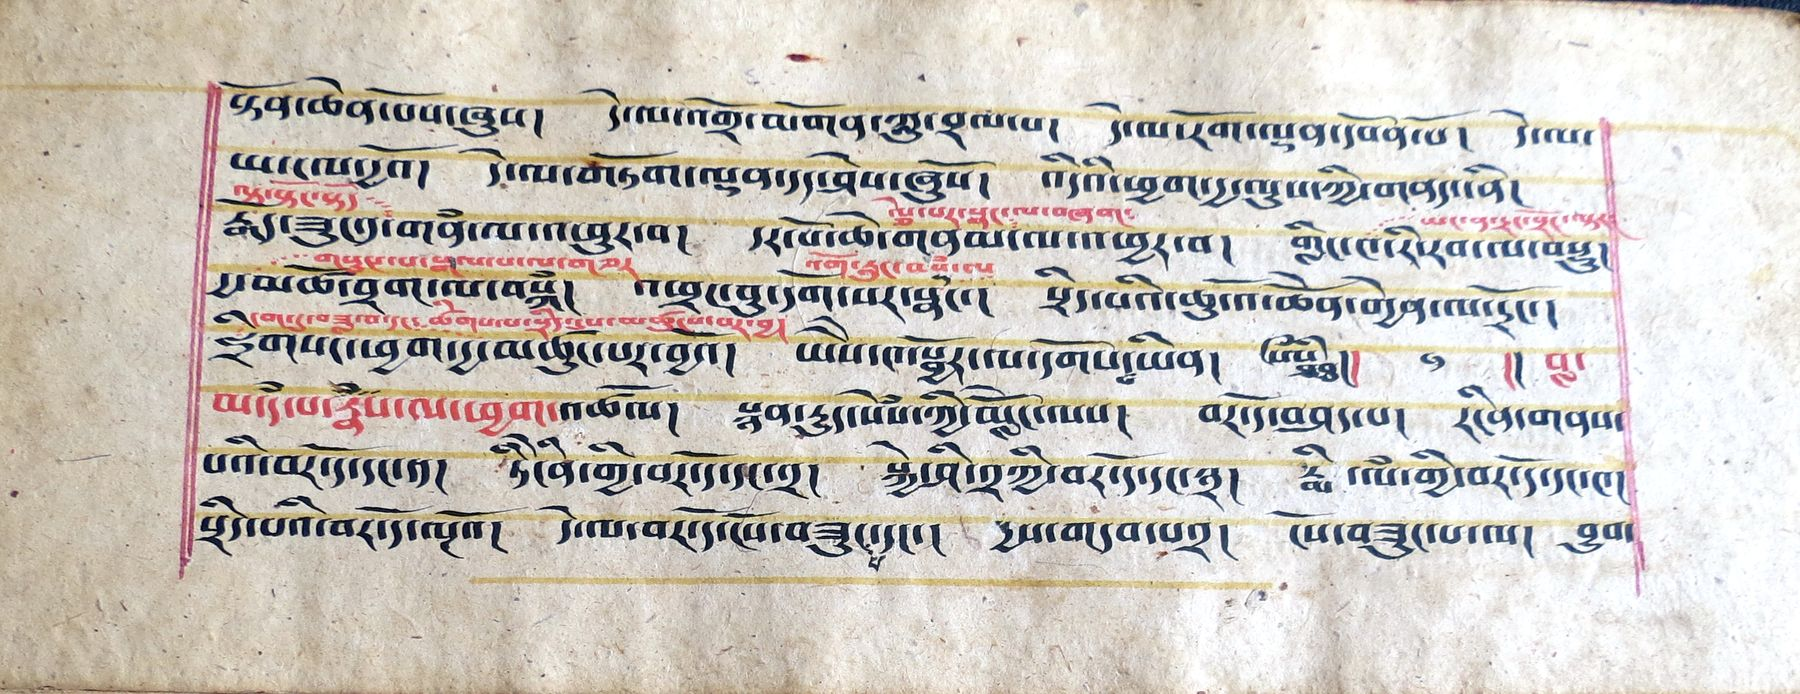ཡང་སྟོན་ཆེན་པོས་ཞུས། དེ་ལ་འགྲོ་མགོན་ཀླུ་བྲག་པ། དེ་ལ་རྟོགས་ལྡན་དབོན་པོ། དེ་ལ་
ཡང་ལ་རྒྱའོ། དེ་ལ་རྟོགས་ལྡན་དད་ཤེས་ཞུས་སོ། །འདིའི་ཕྱག་རྒྱ་ལུས་ཀྱི་གནད་ནི། 
རྒོད་ཟུང་ཅིག་གནམ་ལ་འཕུར་བ། དར་པོ་ཆེ་གནམ་ལ་འཕྱར་བ། གླིང་བཞི་རི་རབ་ལ་༼ཡང་ན་དྲང་སྲོང་ལྟར༽བསྡུ། 
རྒྱ་མཚོ་བྲག་ལ་༼གསུས་པ་སྒལ་པ་བཅར༽བསྐམ། འཕྲང་བུ་དོག་པ་༼འོག་རླུང་བསྡམ༽སྣང་། སྲིད་པའི་ཆུ་བོ་ཆེན་པོ་གྱེན་ལ་དྲངས། 
ཧྲིག་གསང་ཕྱག་རྒྱ་མཚུངས་པར་བྱའོ། །༼ངག་དུ་བཟླ་བ་དང་༽༼ཚིགས་པ་སྲིད་དུས་མཚུངས་པར་བྱ༽ ཡེ་ཤེས་བཞི་སྦྱོར་ལ་དགོས་པ་ཡིན། ཨྠིི 
བླ་མ་དམ་པ་རྣམས་ལ་ཕྱག་འཚལ་ལོ། སྙན་རྒྱུད་སེམས་ཀྱི་མེ་ལོང་ལས། བར་དོ་བཤད་པ། རང་བཞིན་གནས་
པའི་བར་དོ་དང་། ཏིང་ངེ་འཛིན་གྱི་བར་དོ་དང་། སྐྱེ་ཤི་གཉིས་ཀྱི་བར་དོ་དང་། རྨི་ལམ་གྱི་བར་དོ་དང་བཞི། 
སྲིད་པའི་བར་དོ་དང་ལྔའོ། །དེ་ལ་བར་དོ་ངོས་བཟུང་བ་དང་། རྒྱས་གདབ་པ་དང་གཉིས། ངོས་བཟུང་བ་ལ། ངོས་བཟུང་བ་ལ་བྱང་ཆུབ་